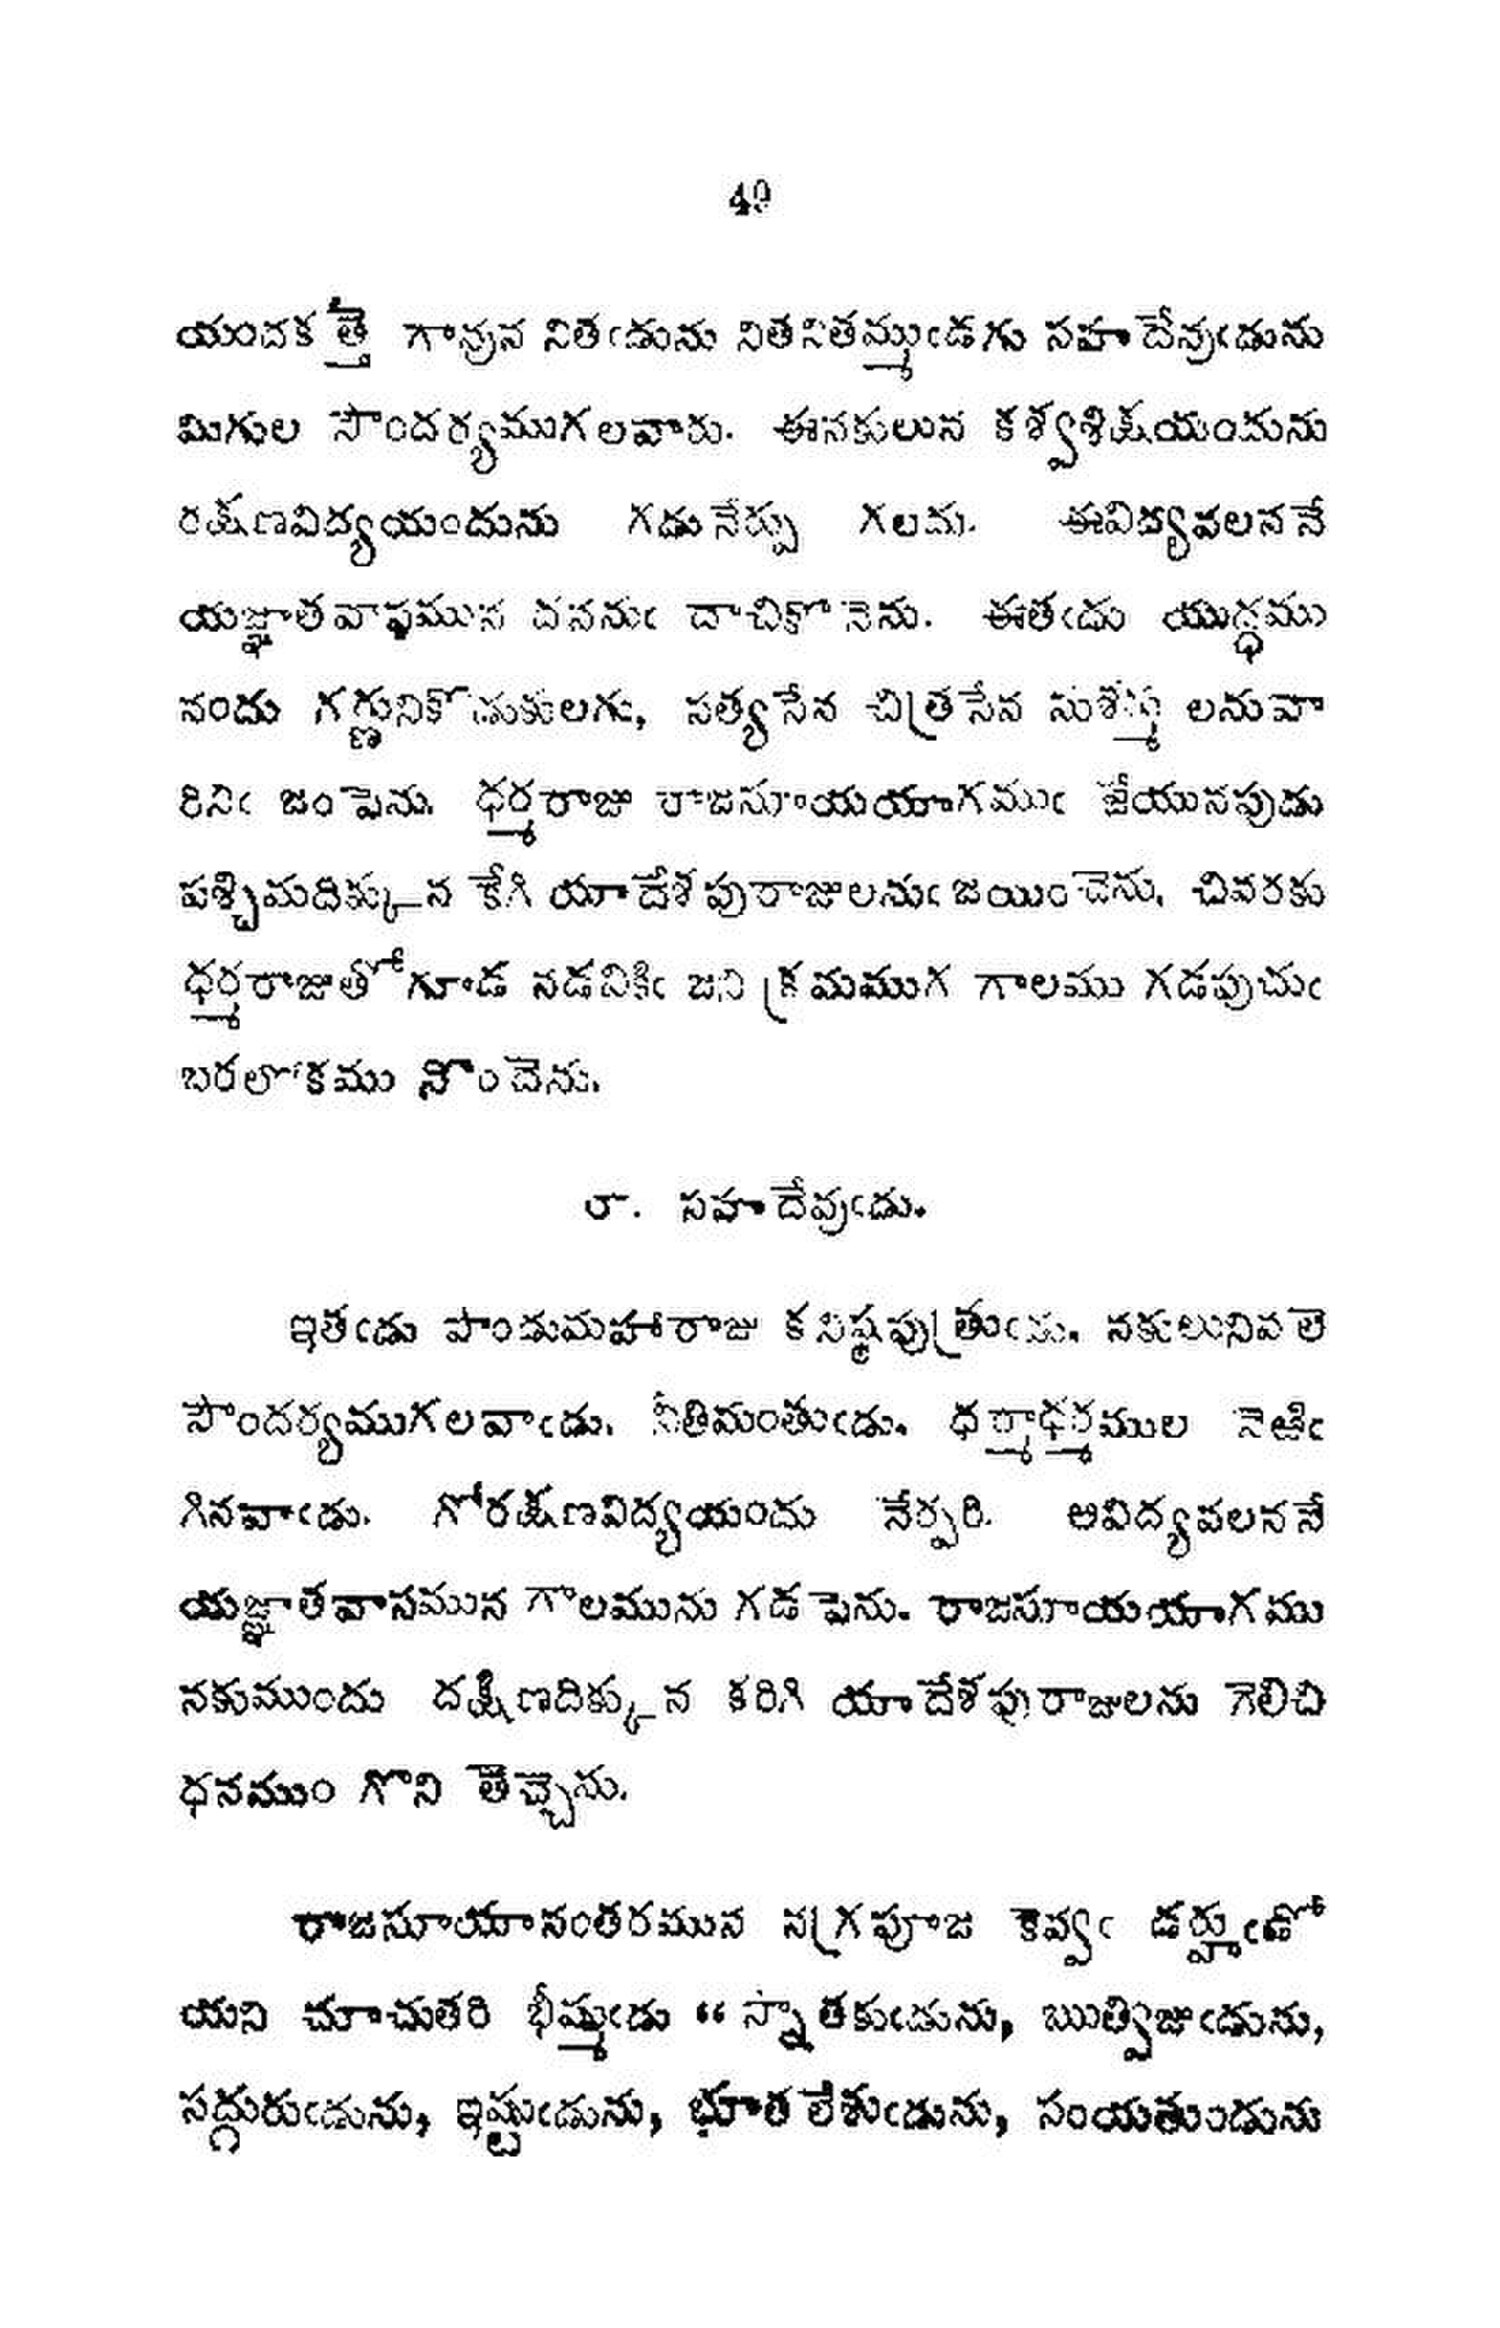యందకత్తె గావున నితఁడును నితనితమ్ముఁడగు సహదేవుఁడును మిగుల సౌందర్యముగలవారు. ఈనకులున కశ్వశిక్షయందును రక్షణవిద్యయందును గడునేర్పు గలదు. ఈవిద్యవలననే
యజ్ఞాతవాసమున దననుఁ దాచికొనెను. ఈతఁడు యుద్ధము నందు గర్ణునికొడుకులగు, సత్యసేన చిత్రసేన సుశర్ము లనువారినిఁ జంపెను. ధర్మరాజు రాజసూయయాగముఁ జేయునపుడు
పశ్చిమదిక్కున కేగి యాదేశపురాజులనుఁ జయించెను. చివరకు ధర్మరాజుతోగూడ నడవికిఁ జని క్రమముగ గాలము గడపుచుఁ బరలోకము నొందెను.

ఇతఁడు పాండుమహారాజు కనిష్ఠపుత్రుఁడు, నకులునివలె సౌందర్యముగలవాఁడు. నీతిమంతుఁడు. ధర్మాధర్మముల నెఱిఁగినవాడు. గోరక్షణవిద్యయందు నేర్పరి. అవిద్యవలననే యజ్ఞాతవాసమున
గాలమును గడపెను. రాజసూయయాగమునకుముందు దక్షిణదిక్కున కరిగి యాదేశపురాజులను గెలిచి ధనముం గొని తెచ్చెను.

రాజసూయానంతరమున నగ్రపూజ కెవ్వఁ డర్హుఁడో యని చూచుతరి భీష్ముడు "స్నాతకుఁడును, ఋత్విజుఁడును, సద్గురుఁడును, ఇష్టుఁడును, భూతలేశుఁడును, సంయతుండును